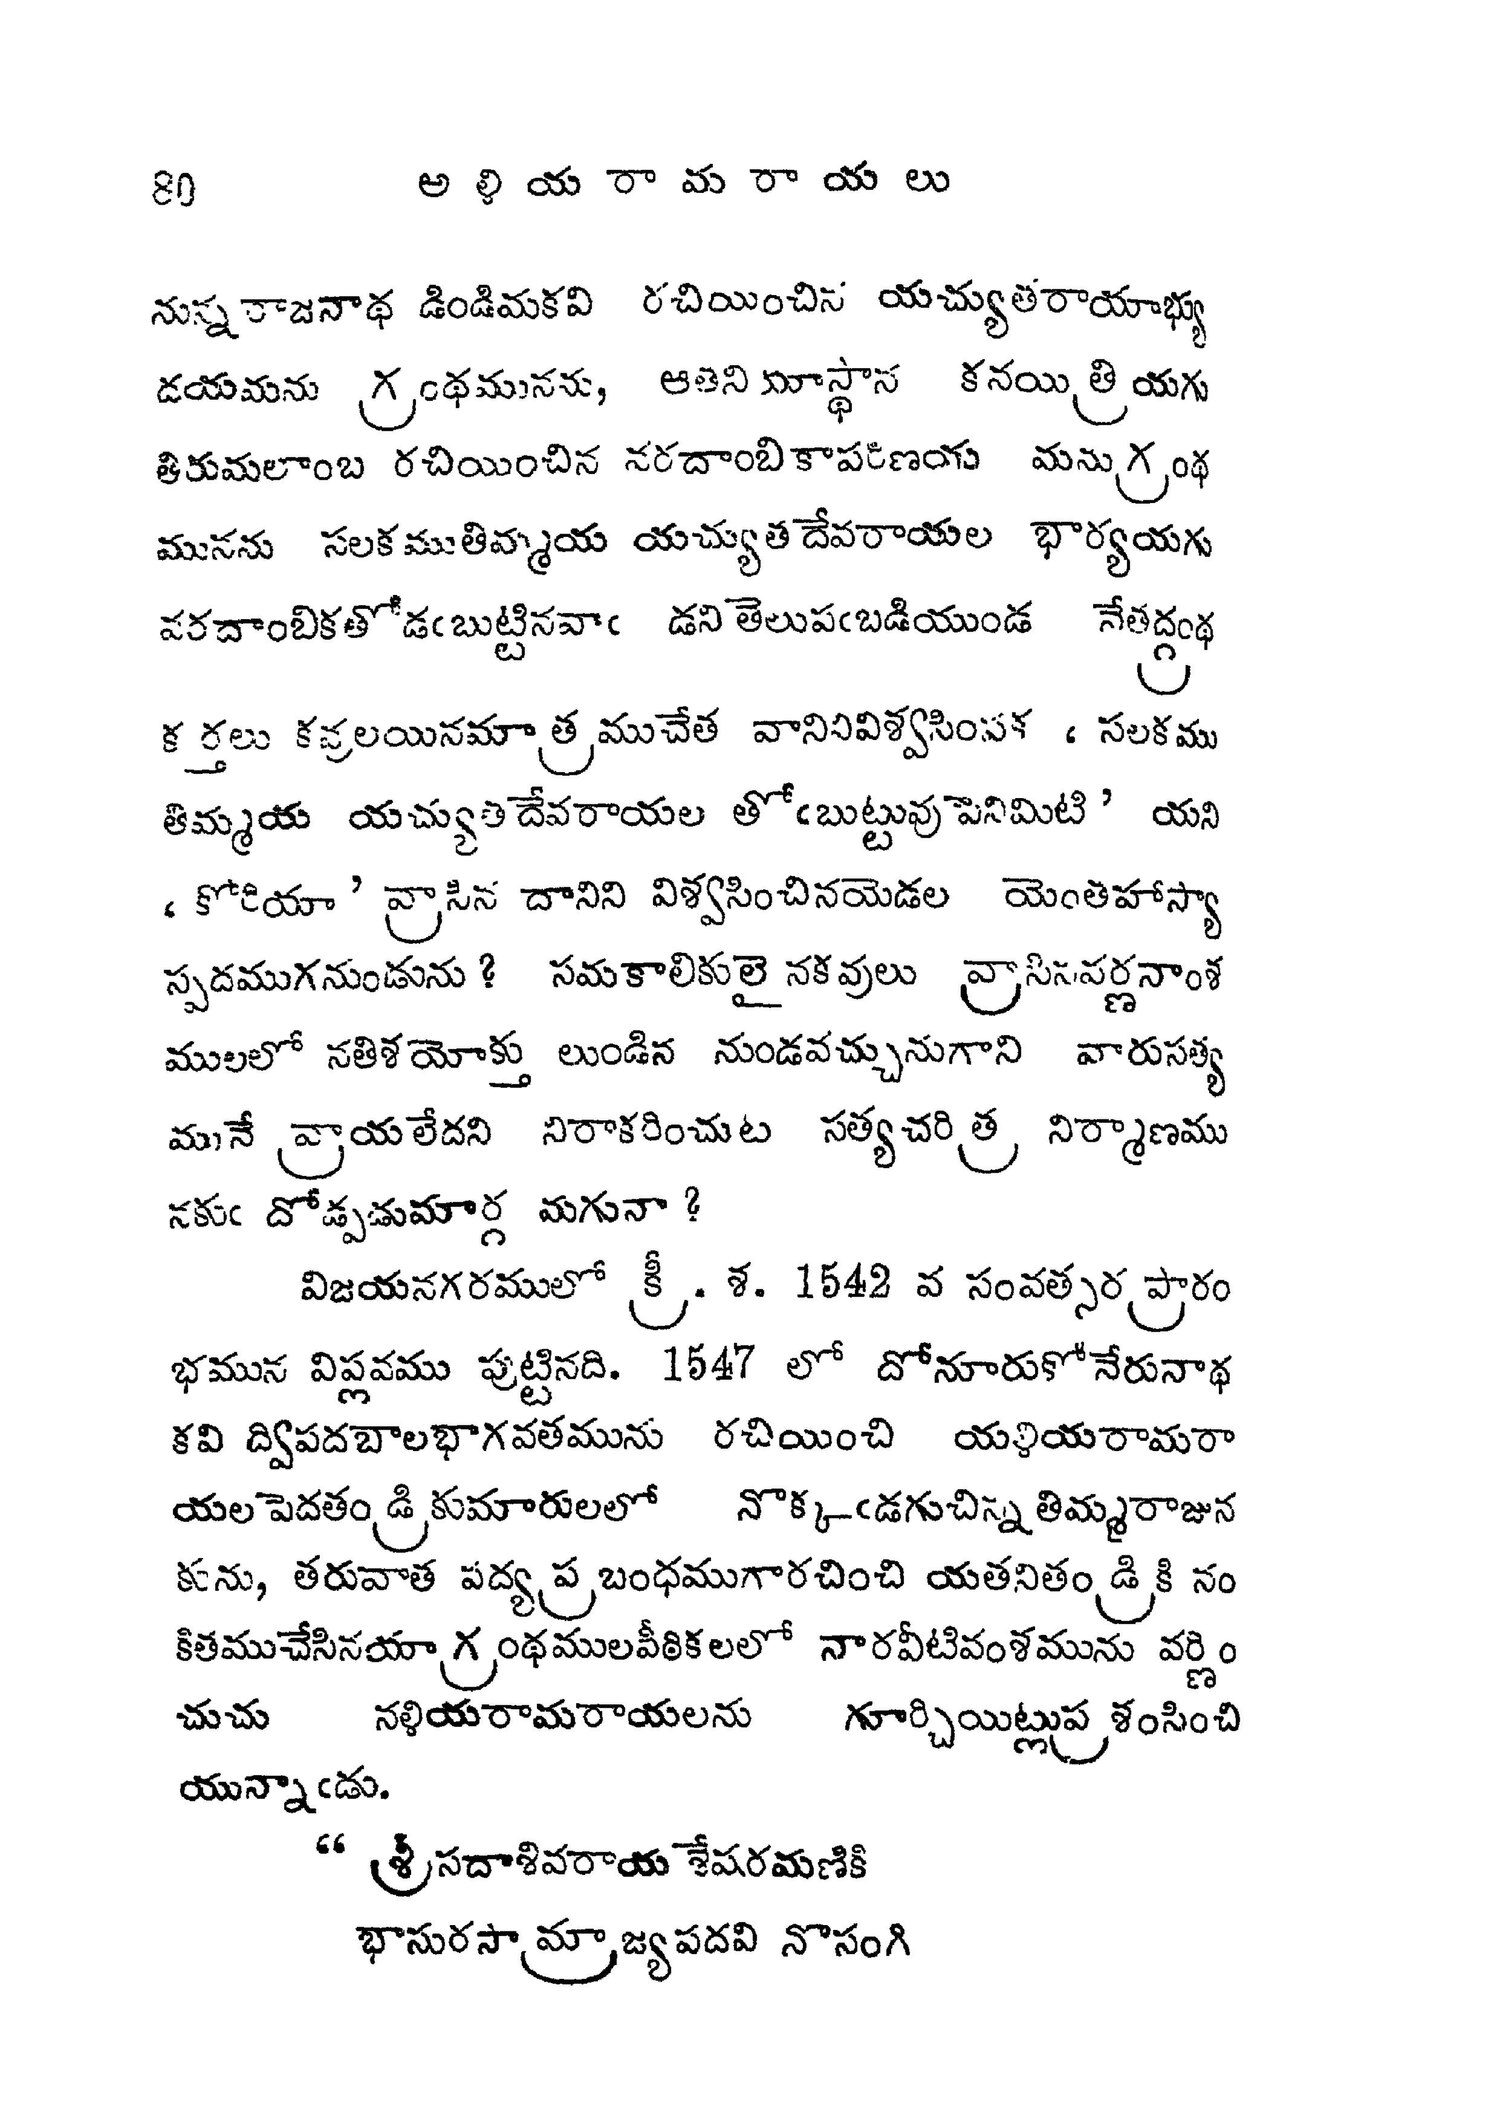నున్న రాజనాథ డిండిమకవి రచియించిన యచ్యుతరాయాభ్యుదయమను గ్రంథమునను, ఆతనియాస్థాన కనయిత్రియగు తిరుమలాంబ రచియించిన వరదాంబికాపరిణయ మనుగ్రంథమునను సలకముతిమ్మయ యచ్యుతదేవరాయల భార్యయగు వరదాంబికతోడబుట్టినవా డనితెలుపబడియుండ నేతద్గ్రంథకర్తలు కవులయినమాత్రముచేత వానినివిశ్వసింపక 'సలకముతిమ్మయ యచ్యుతదేవరాయల తోబుట్టువుపెనిమిటి' యని 'కోరియా' వ్రాసిన దానిని విశ్వసించినయెడల యెంత హాస్యాస్పదముగనుండును? సమకాలికులైనకవులు వ్రాసినవర్ణనాంశములలో నతిశయోక్తు లుండిన నుండవచ్చునుగాని వారుసత్యమునే వ్రాయలేదని నిరాకరించుట సత్యచరిత్ర నిర్మాణమునకు దోడ్పడుమార్గ మగునా?

విజయనగరములో క్రీ. శ. 1542 వ సంవత్సరప్రారంభమున విప్లవము పుట్టినది. 1547 లో దోనూరుకోనేరునాథకవి ద్విపదబాలభాగవతమును రచియించి యళియరామరాయల పెదతండ్రికుమారులలో నొక్కడగుచిన్నతిమ్మరాజునకును, తరువాత పద్యప్రబంధముగారచించి యతనితండ్రికి నంకితముచేసిన యాగ్రంథములపీఠికలలో నారవీటివంశమును వర్ణించుచు నళియరామరాయలను గూర్చియిట్లుప్రశంసించి యున్నాడు.

 "శ్రీసదాశివరాయ శేషరమణికి
 భాసురసామ్రాజ్యపదవి నొసంగి